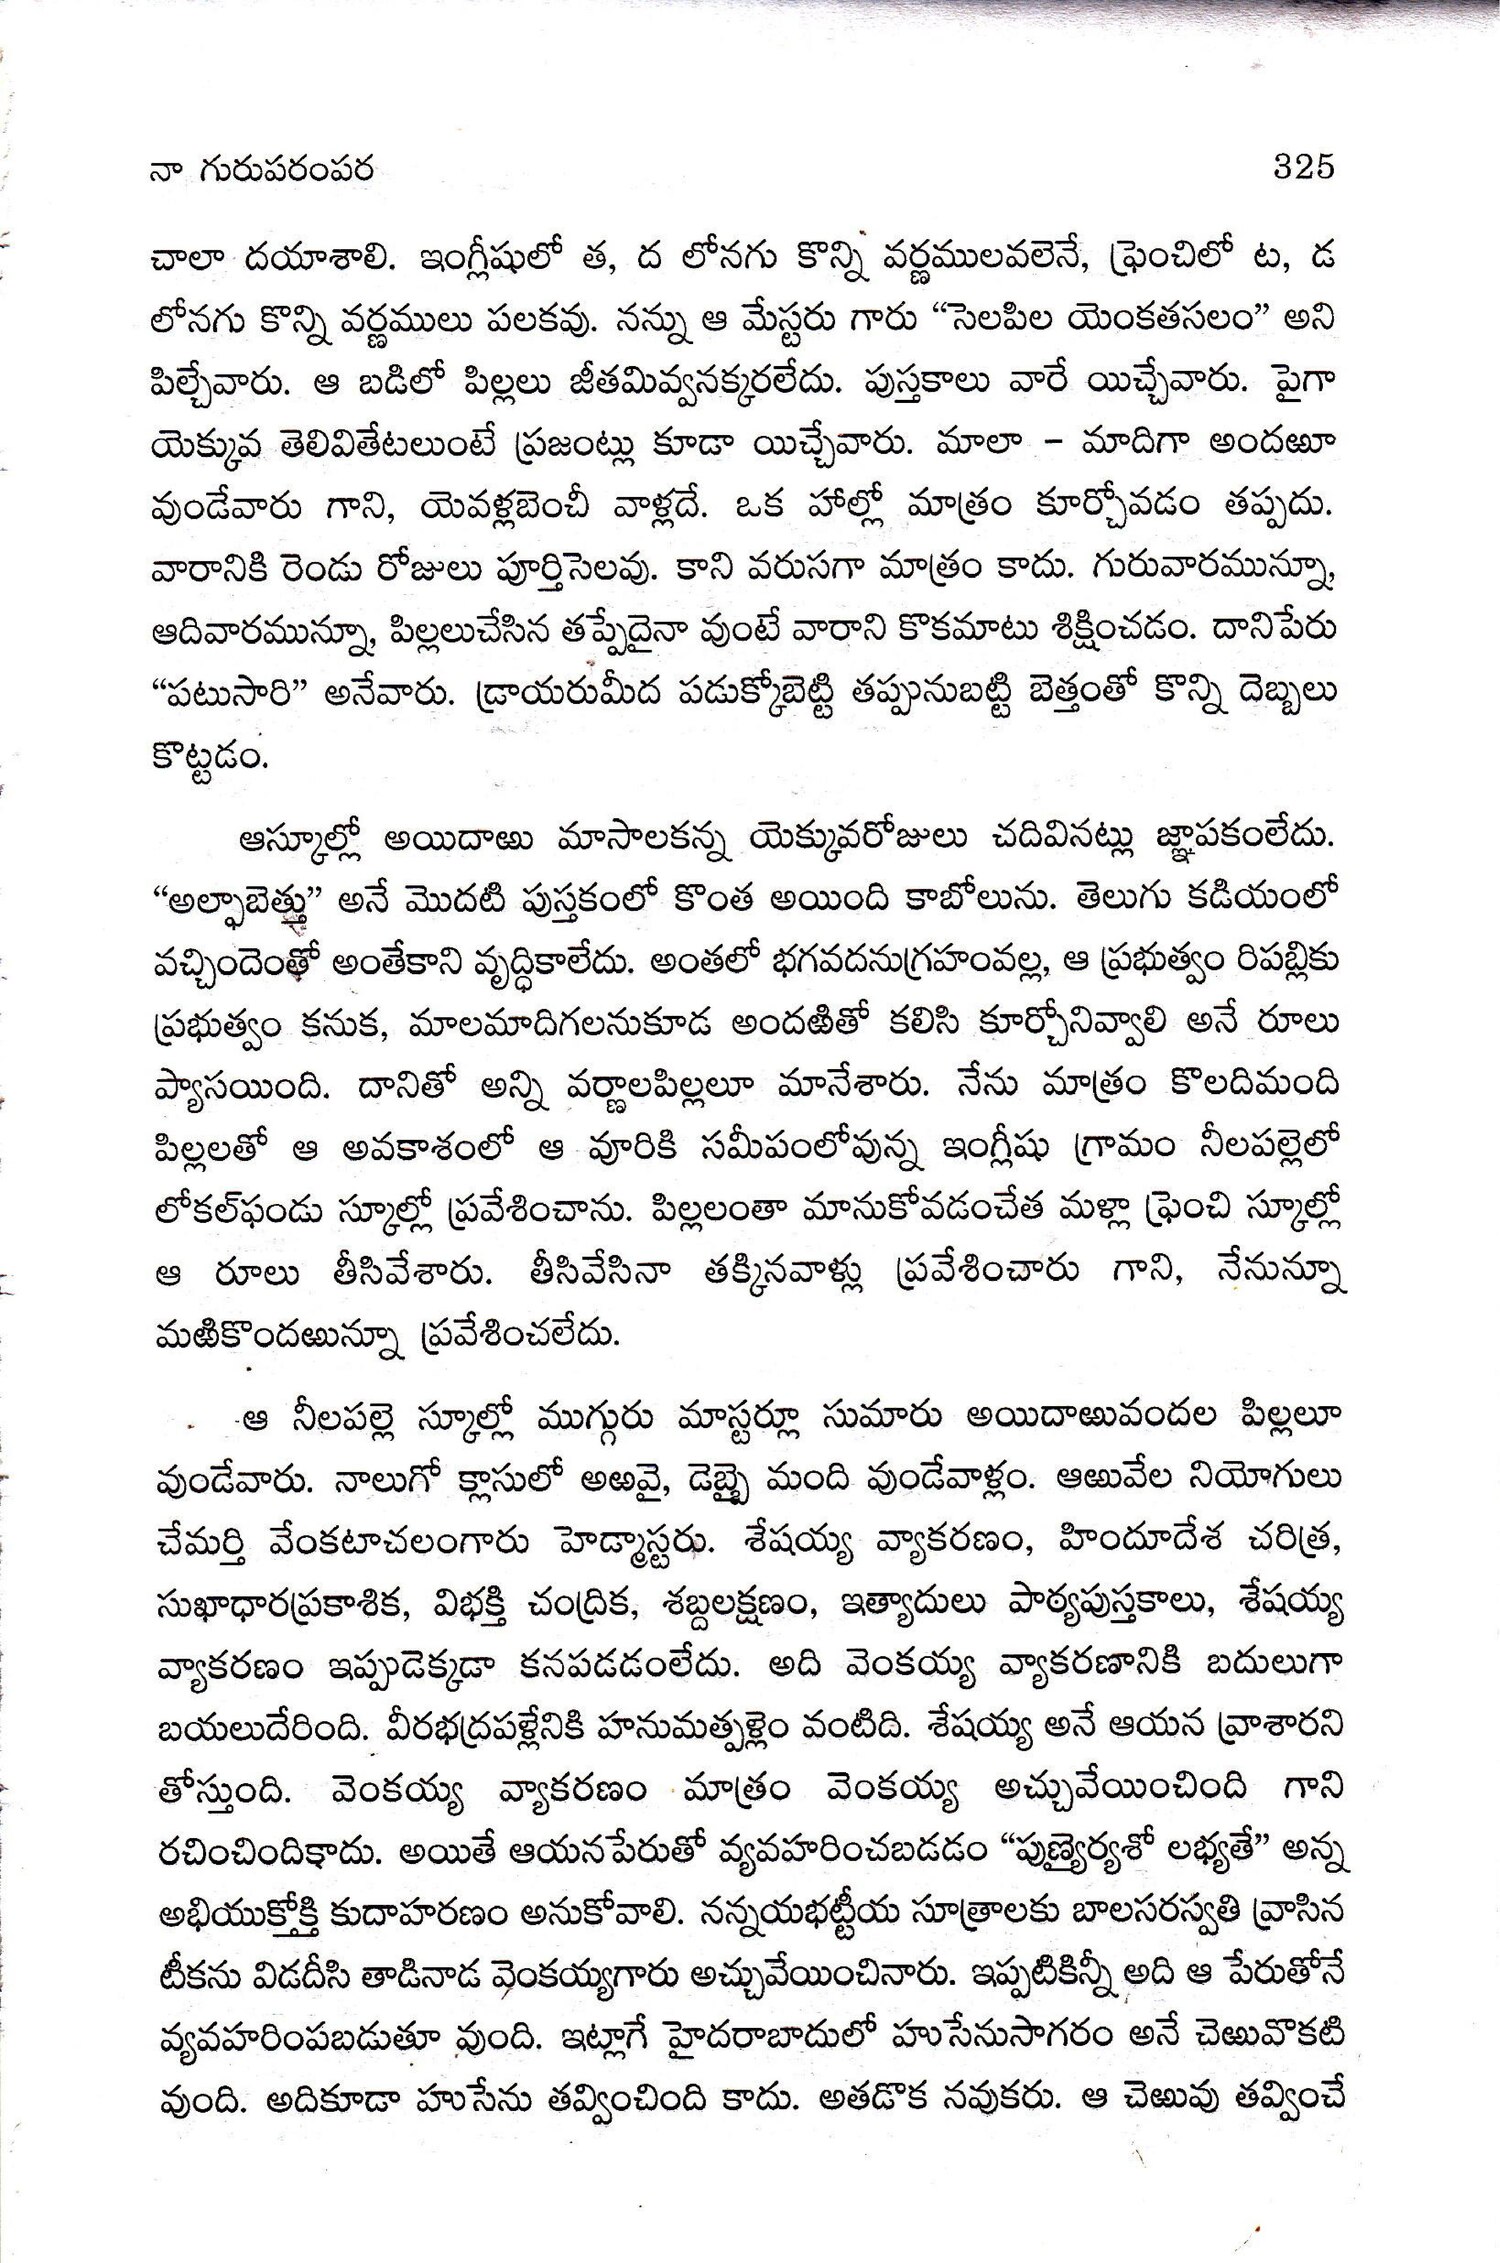చాలా దయాశాలి. ఇంగ్లీషులో త, ద లోనగు కొన్ని వర్ణములవలెనే, ఫ్రెంచిలో ట, డ లోనగు కొన్ని వర్ణములు పలకవు. నన్ను ఆ మేస్టరు గారు “సెలపిల యెంకతసలం’ అని పిల్చేవారు. ఆ బడిలో పిల్లలు జీతమివ్వనక్కరలేదు. పుస్తకాలు వారే యిచ్చేవారు. పైగా యెక్కువ తెలివితేటలుంటే ప్రజంట్లు కూడా యిచ్చేవారు. మాలా - మాదిగా అందఱూ వుండేవారు గాని, యెవళ్లబెంచీ వాళ్లదే. ఒక హాల్లో మాత్రం కూర్చోవడం తప్పదు. వారానికి రెండు రోజులు పూర్తిసెలవు. కాని వరుసగా మాత్రం కాదు. గురువారమున్నూ ఆదివారమున్నూ పిల్లలుచేసిన తప్పేదైనా వుంటే వారాని కొకమాటు శిక్షించడం. దానిపేరు "పటుసారి" అనేవారు. డ్రాయరుమీద పడుక్కోబెట్టి తప్పునుబట్టి బెత్తంతో కొన్ని దెబ్బలు కొట్టడం.

ఆస్కూల్లో అయిదాఱు మాసాలకన్న యెక్కువరోజులు చదివినట్లు జ్ఞాపకంలేదు. "అల్ఫాబెత్తు" అనే మొదటి పుస్తకంలో కొంత అయింది కాబోలును. తెలుగు కడియంలో వచ్చిందెంతో అంతేకాని వృద్ధికాలేదు. అంతలో భగవదనుగ్రహంవల్ల, ఆ ప్రభుత్వం రిపబ్లికు ప్రభుత్వం కనుక, మాలమాదిగలనుకూడ అందఱితో కలిసి కూర్చోనివ్వాలి అనే రూలు ప్యాసయింది. దానితో అన్ని వర్ణాలపిల్లలూ మానేశారు. నేను మాత్రం కొలదిమంది పిల్లలతో ఆ అవకాశంలో ఆ వూరికి సమీపంలోవున్న ఇంగ్లీషు గ్రామం నీలపల్లెలో లోకల్‌ఫండు స్కూల్లో ప్రవేశించాను. పిల్లలంతా మానుకోవడంచేత మళ్లా ఫ్రెంచి స్కూల్లో ఆ రూలు తీసివేశారు. తీసివేసినా తక్కినవాళ్లు ప్రవేశించారు గాని, నేనున్నూ మణికొందఱున్నూ ప్రవేశించలేదు.

ఆ నీలపల్లె స్కూల్లో ముగ్గురు మాస్టర్లూ సుమారు అయిదాఱువందల పిల్లలూ వుండేవారు. నాలుగో క్లాసులో అఱవై, డెబ్బై మంది వుండేవాళ్లం. ఆఱువేల నియోగులు చేమర్తి వేంకటాచలంగారు హెడ్మాస్టరు. శేషయ్య వ్యాకరణం, హిందూదేశ చరిత్ర, సుఖాధారప్రకాశిక, విభక్తి చంద్రిక, శబ్దలక్షణం, ఇత్యాదులు పాఠ్యపుస్తకాలు, శేషయ్య వ్యాకరణం ఇప్పుడెక్కడా కనపడడంలేదు. అది వెంకయ్య వ్యాకరణానికి బదులుగా బయలుదేరింది. వీరభద్రపళ్లేనికి హనుమత్పళ్లెం వంటిది. శేషయ్య అనే ఆయన వ్రాశారని తోస్తుంది. వెంకయ్య వ్యాకరణం మాత్రం వెంకయ్య అచ్చువేయించింది గాని రచించిందికాదు. అయితే ఆయనపేరుతో వ్యవహరించబడడం “పుణ్యైర్యశో లభ్యతే " అన్న అభియుక్తోక్తి కుదాహరణం అనుకోవాలి. నన్నయభట్టీయ సూత్రాలకు బాలసరస్వతి వ్రాసిన టీకను విడదీసి తాడినాడ వెంకయ్యగారు అచ్చువేయించినారు. ఇప్పటికిన్నీ అది ఆ పేరుతోనే వ్యవహరింపబడుతూ వుంది. ఇట్లాగే హైదరాబాదులో హుసేనుసాగరం అనే చెఱువొకటి వుంది. అదికూడా హుసేను తవ్వించింది కాదు. అతడొక నవుకరు. ఆ చెఱువు తవ్వించే